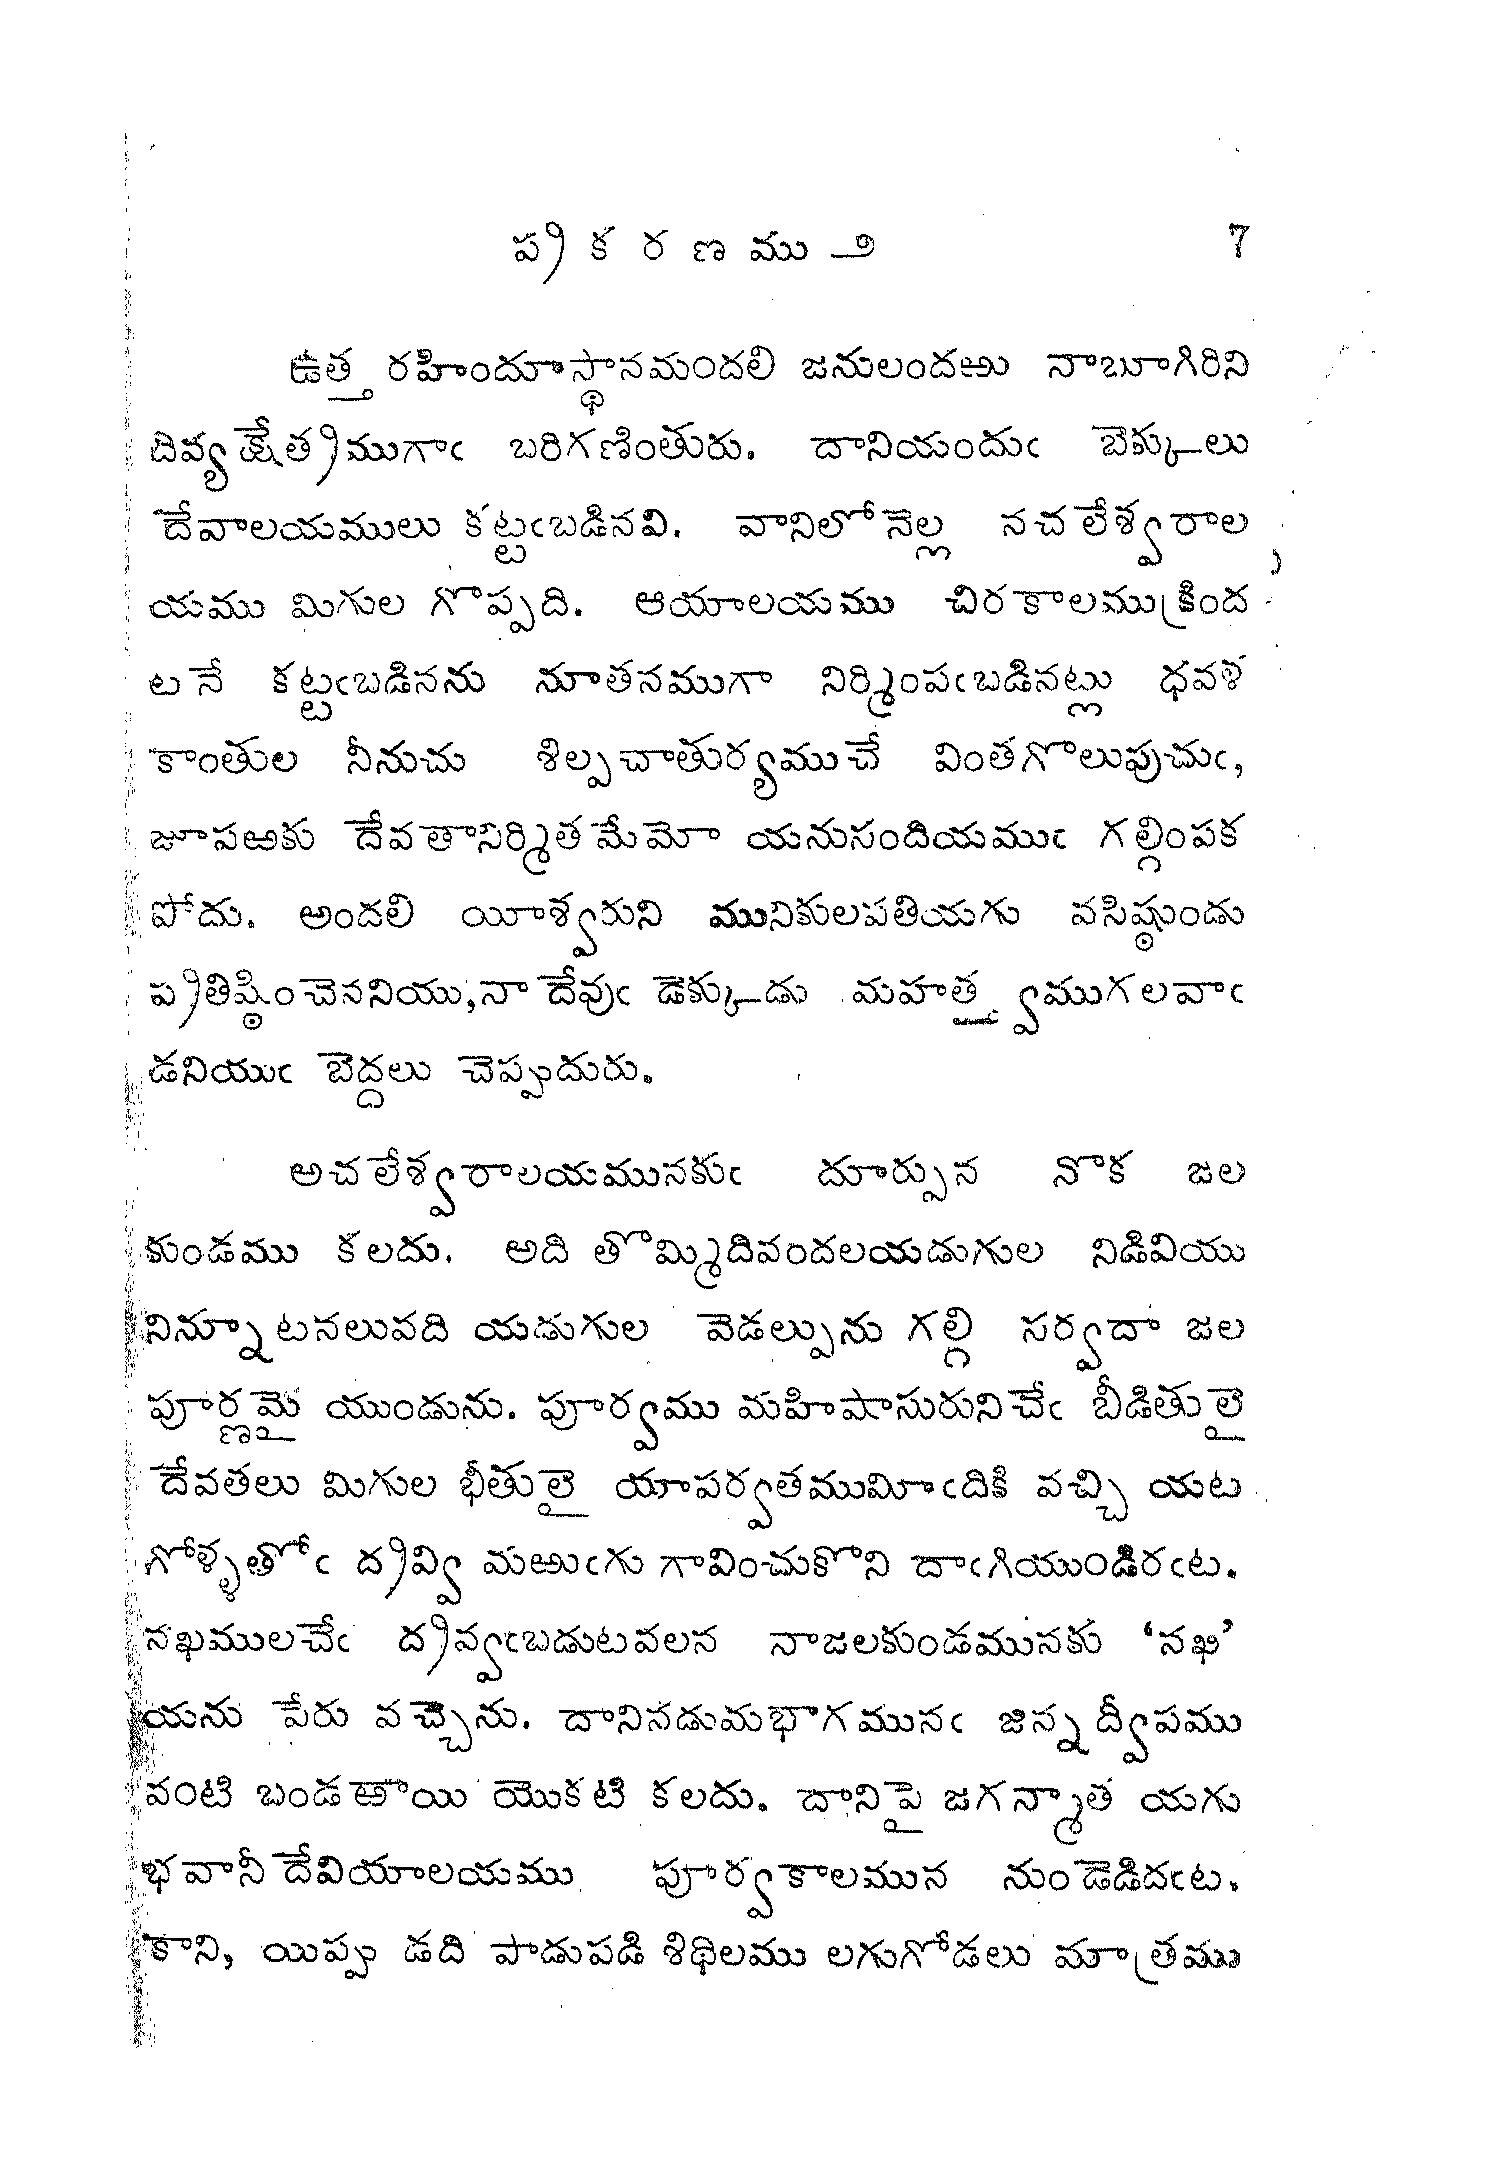ఉత్తరహిందూస్థానమందలి జనులందఱు నాబూగిరిని దివ్యక్షేత్రముగాఁ బరిగణింతురు. దానియందుఁ బెక్కులు దేవాలయములు కట్టబడినవి. వానిలోనెల్ల నచలేశ్వరాలయము మిగుల గొప్పది. ఆయాలయము చిరకాలముక్రిందటనే కట్టఁబడినను నూతనముగా నిర్మింపఁబడినట్లు ధవళకాంతుల నీనుచు శిల్పచాతుర్యముచే వింతగొలుపుచుఁ, జూపఱకు దేవతానిర్మిత మేమో యనుసందియముఁ గల్గింపకపోదు. అందలి యీశ్వరుని మునికులపతియగు వసిష్ణుండు ప్రతిష్ఠించెననియు, నా దేవుఁ డెక్కుడు మహత్త్వముగలవాఁ డనియుఁ బెద్దలు చెప్పుదురు.

అచలేశ్వరాలయమునకుఁ దూర్పున నొకకుండము కలదు. అది తొమ్మిదివందలయడుగుల నిడివియు నిన్నూటనలువది యడుగుల వెడల్పును గల్లి సర్వదా జలపూర్ణమై యుండును. పూర్వము మహిషాసురునిచేఁ బీడితులై దేవతలు మిగుల భీతులై యాపర్వతముమీఁదికి వచ్చి యట గోళ్ళతోఁ ద్రవ్వి మఱుఁగు గావించుకొని దాఁగియుండిరఁట. నఖములచేఁ దవ్వబడుటవలన నాజలకుండమునకు 'నఖి' యను పేరు వచ్చెను. దానినడుమభాగమునఁ జిన్నద్వీపము వంటి బండఱాయి యొకటి కలదు. దానిపై జగన్మాత యగు భవానీదేవియాలయము పూర్వకాలమున నుండెడిదఁట. కాని, యిప్పు డది పాడుపడి శిథిలము లగుగోడలు మాత్రము